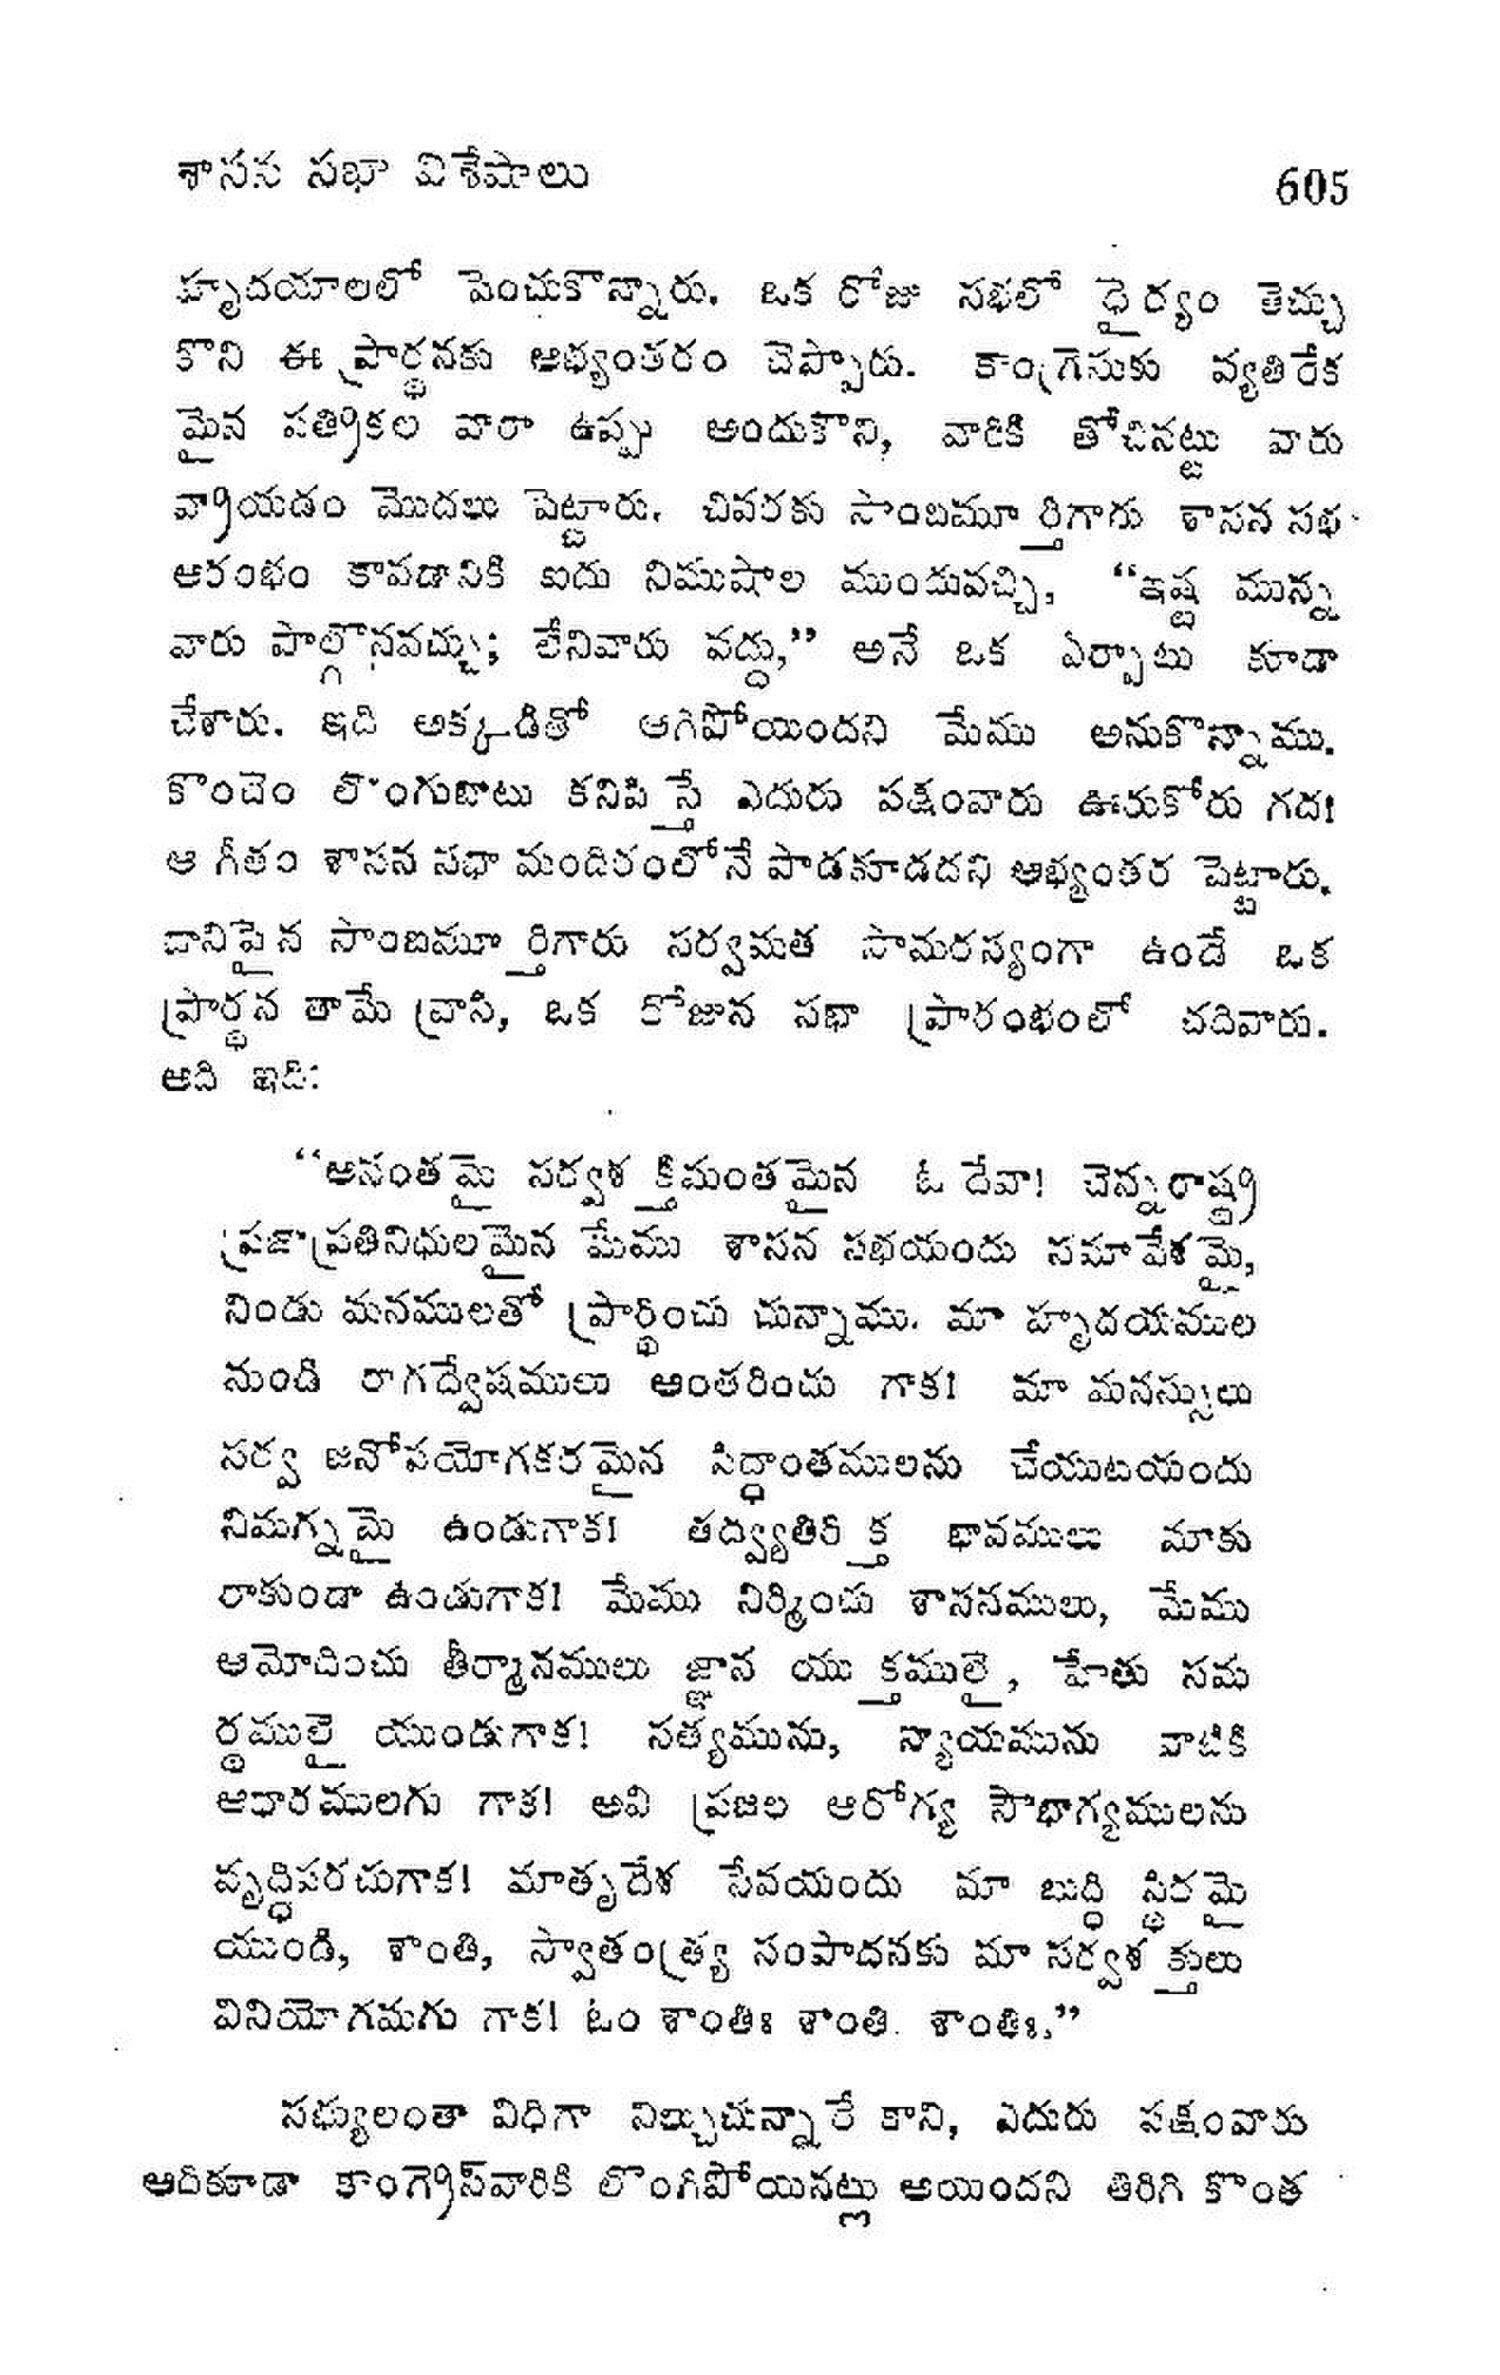హృదయాలలో పెంచుకొన్నారు. ఒక రోజు సభలో ధైర్యం తెచ్చుకొని ఈ ప్రార్థనకు అభ్యంతరం చెప్పారు. కాంగ్రెసుకు వ్యతిరేకమైన పత్రికల వారా ఉప్పు అందుకొని, వారికి తోచినట్టు వారు వ్రాయడం మొదలు పెట్టారు. చివరకు సాంబమూర్తిగారు శాసన సభ ఆరంభం కావడానికి ఐదు నిమిషాల ముందువచ్చి, "ఇష్ట మున్నవారు పాల్గొనవచ్చు; లేనివారు వద్దు," అనే ఒక ఏర్పాటు కూడా చేశారు. ఇది అక్కడితో ఆగిపోయిందని మేము అనుకొన్నాము. కొంచెం లొంగుబాటు కనిపిస్తే ఎదురు పక్షంవారు ఊరుకోరు గద! ఆ గీతం శాసన సభా మందిరంలోనే పాడకూడదని అభ్యంతర పెట్టారు. దానిపైన సాంబమూర్తిగారు సర్వమత సామరస్యంగా ఉండే ఒక ప్రార్థన తామే వ్రాసి, ఒక రోజున సభా ప్రారంభంలో చదివారు. అది ఇది:

"అనంతమై సర్వశక్తిమంతమైన ఓ దేవా! చెన్నరాష్ట్ర ప్రజాప్రతినిధులమైన మేము శాసన సభయందు సమావేశమై, నిండు మనములతో ప్రార్థించు చున్నాము. మా హృదయముల నుండి రాగద్వేషములు అంతరించు గాక! మా మనస్సులు సర్వ జనోపయోగకరమైన సిద్ధాంతములను చేయుటయందు నిమగ్నమై ఉండుగాక! తద్వ్యతిరిక్త భావములు మాకు రాకుండా ఉండుగాక! మేము నిర్మించు శాసనములు, మేము ఆమోదించు తీర్మానములు జ్ఞాన యుక్తములై, హేతు సమర్థములై యుండుగాక! సత్యమును, న్యాయమును వాటికి ఆధారములగు గాక! అని ప్రజల ఆరోగ్య సౌభాగ్యములను వృద్ధిపరచుగాక! మాతృదేశ సేవయందు మా బుద్ధి స్థిరమైయుండి, శాంతి, స్వాతంత్ర్య సంపాదనకు మా సర్వశక్తులు వినియోగమగు గాక! ఓం శాంతి: శాంతి శాంతి:."

సభ్యులంతా విధిగా నిల్చుచున్నారే కాని, ఎదురు పక్షంవారు అదికూడా కాంగ్రెస్‌ వారికి లొంగిపోయినట్లు అయిందని తిరిగి కొంత